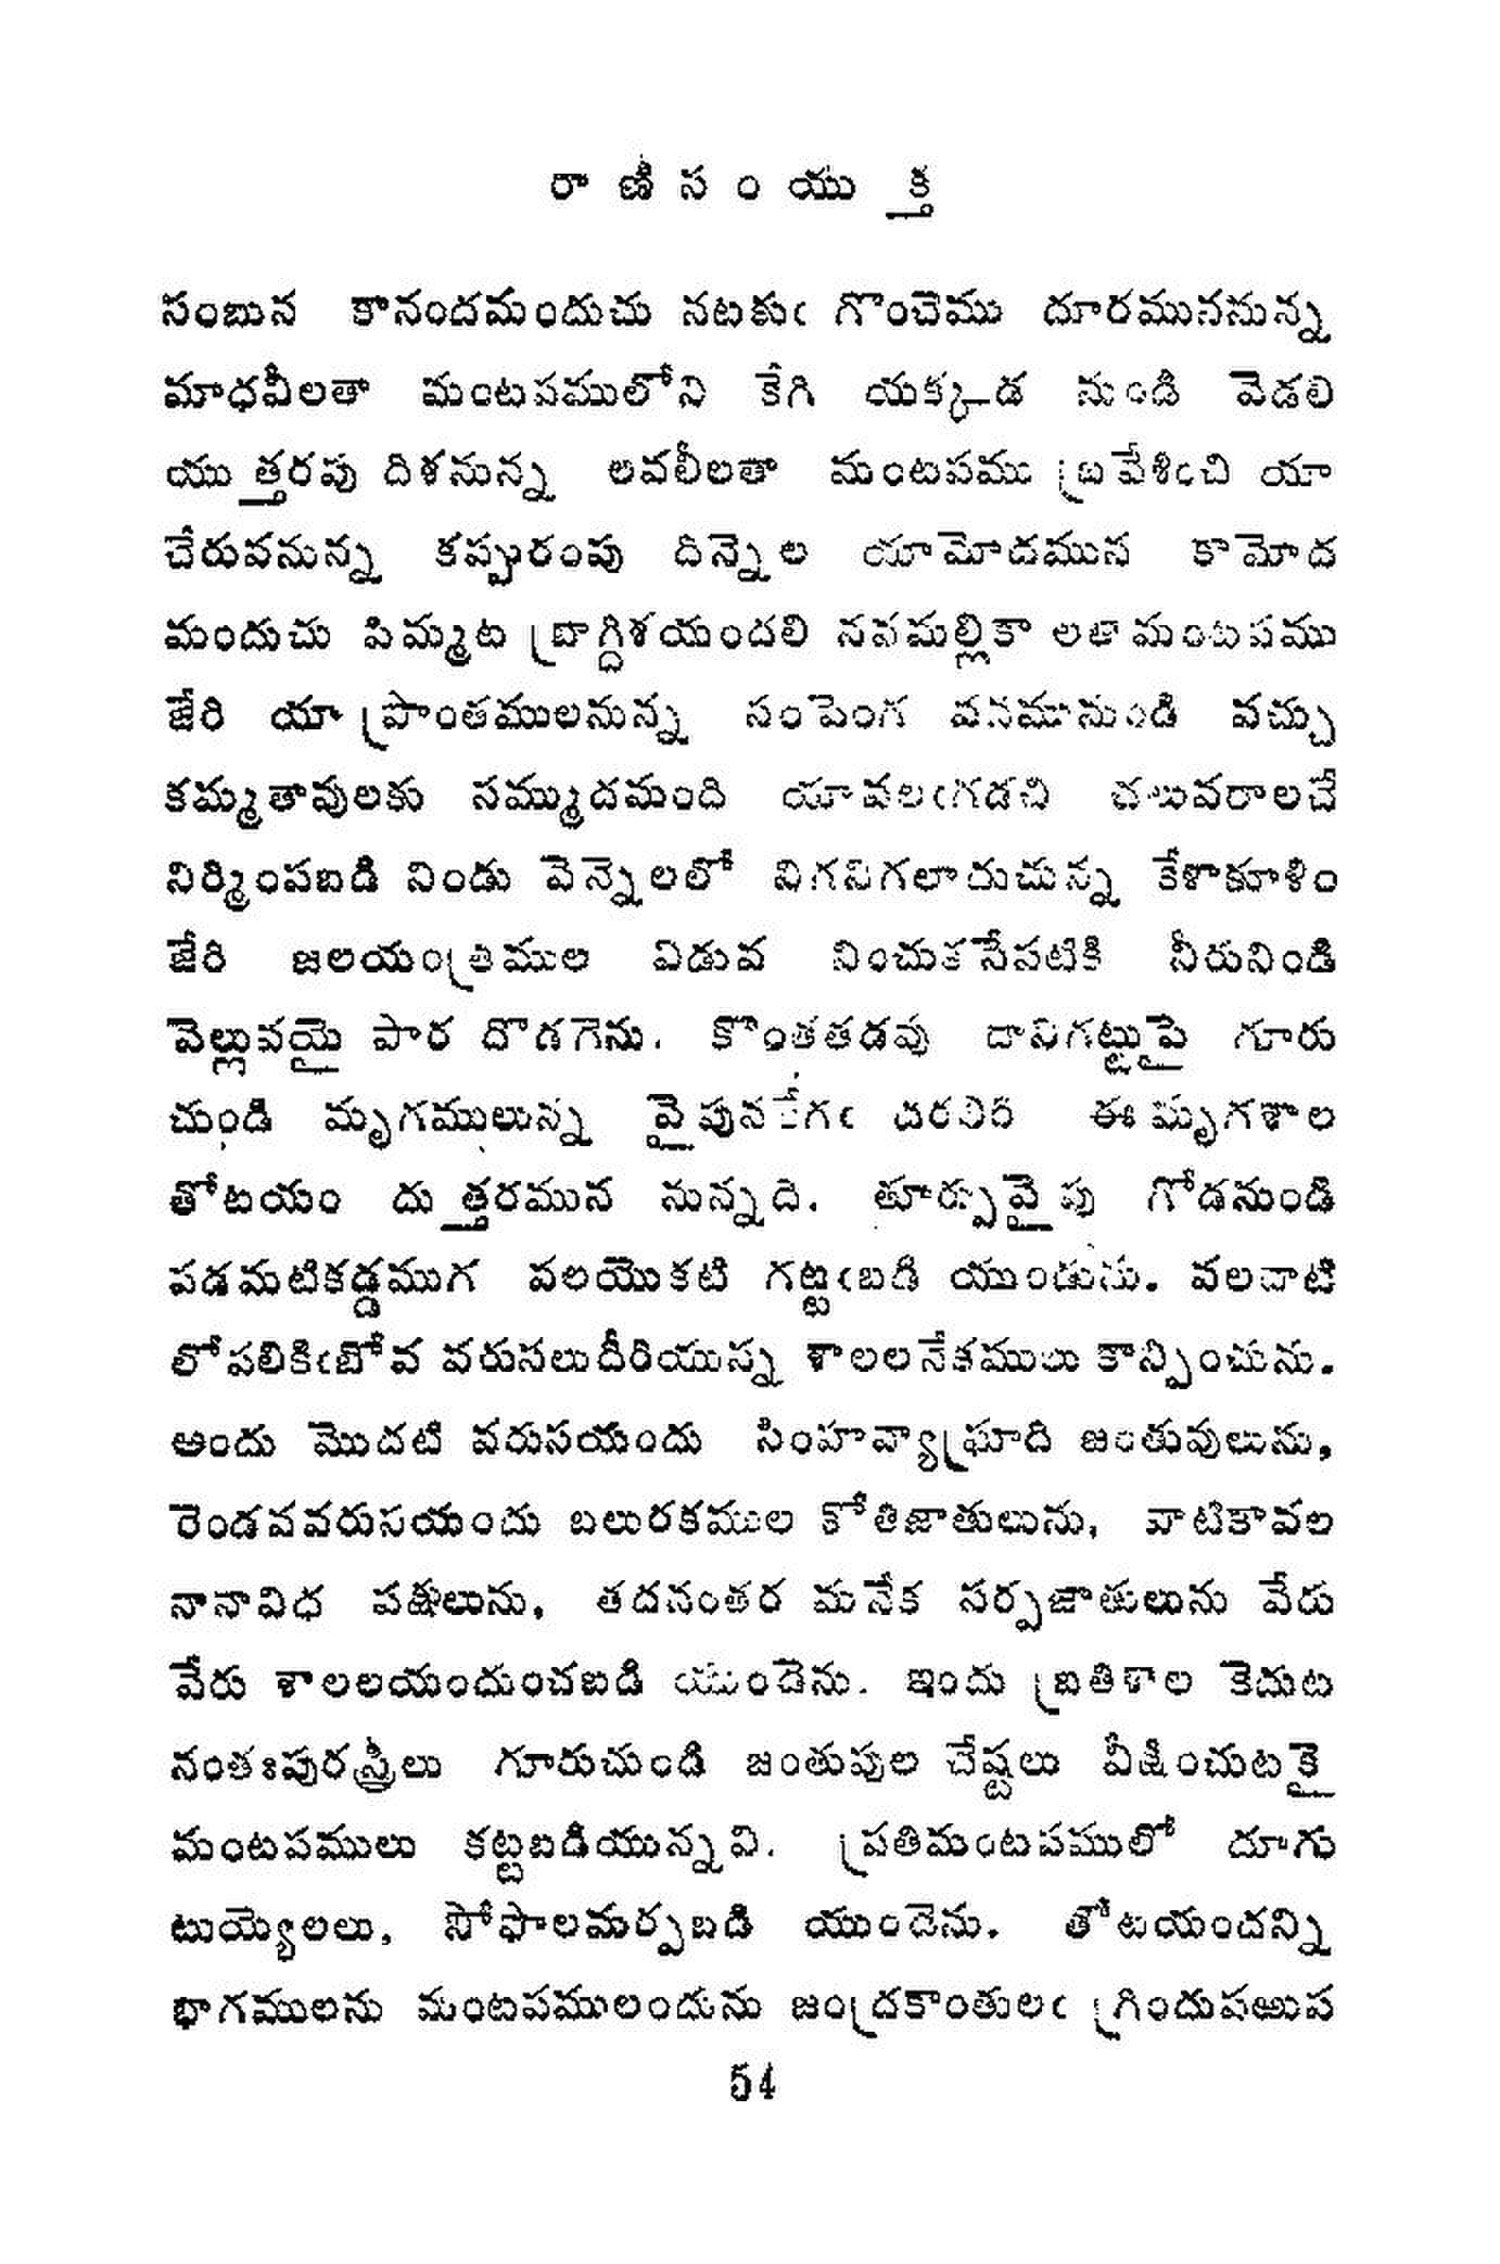నంబున కానందమందుచు నటకుఁ గొంచెము దూరముననున్న మాధవీలతా మంటపములోని కేగి యక్కడ నుండి వెడలి యుత్తరపు దిశనున్న లవలీలతో మంటపము బ్రవేశించి యా చేరువనున్న కప్పురంపు దిన్నెల యామోదమున కామోద మందుచు పిమ్మట బ్రాగ్దిశయందలి నవమల్లికా లతామంటపము జేరి యా ప్రాంతములనున్న సంపెంగ వనమునుండి వచ్చు కమ్మతావులకు సమ్ముదమంది యావలఁగడచి చలువరాలచే నిర్మింపబడి నిండు వెన్నెలలో నిగనిగలాడుచున్న కేళాకూళింజేరి జలయంత్రముల విడువ నించుకసేపటికి నీరునిండి వెల్లువయై పార దొడగెను . కొంతతడవు దానిగట్టుపై గూరుచుండి మృగములున్న వైపునకేగఁ దరలిరి. ఈ మృగశాల తోటయం దుత్తరమున నున్నది. తూర్పువైపు గోడనుండి పడమటికడ్డముగ వలయొకటి గట్టఁబడి యుండును. వలదాటి లోపలికిఁబోవ వరుసలుదీరియున్న శాలలనేకములు కాన్పించును. అందు మొదటి వరుసయందు సింహవ్యాఘ్రాది జంతువులును, రెండవవరుసయందు బలురకముల కోతిజాతులును, వాటికావల నానావిధ పక్షులును, తదనంతర మనేక సర్పజాతులును వేరువేరు శాలలయందుంచబడి యుండెను. ఇందు బ్రతిశాల కెదుట నంతఃపురస్త్రీలు గూరుచుండి జంతువుల చేష్టలు వీక్షించుటకై మంటపములు కట్టబడియున్నవి. ప్రతిమంటపములో దూగుటుయ్యెలలు, సోఫొలమర్పబడి యుండెను. తోటయందన్ని భాగములను మంటపములందును జంద్రకాంతులఁ గ్రిందుపఱుప